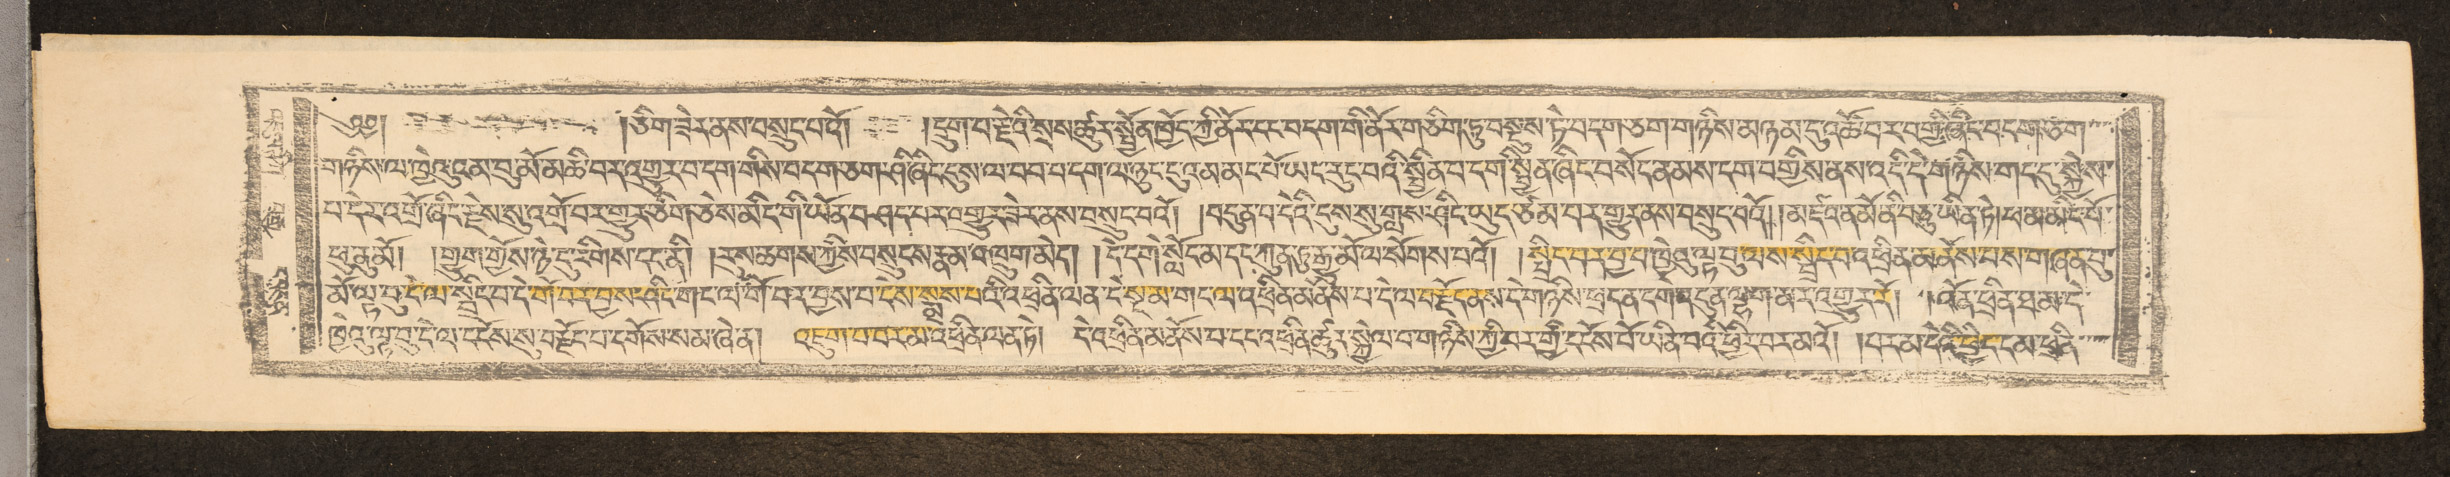༄༅། །ཅིག་ཟེར་ནས་བསྲུང་པའོ། །དྲུག་པ་རྗེའི་སྲས་ཚུར་སྤྱོན་ཁྱོད་ཀྱི་ནོར་དང་བདག་གི་ནོར་གཅིག་ཏུ་བསྡུས་ཏེ་བདག་ཅག་གཉིས་མཉམ་དུ་འཚོ་བར་བགྱི་ཞིང་བདག་ཅག་
གཉིས་ལ་ཁྱེའུ་འམ་བུ་མོ་མཆི་བར་འགྱུར་བ་དག་གིས་བདག་ཅག་ཤི་ཞིང་དུལ་ལ་བབ་པ་དག་ལ་ཉུང་དུའམ་མང་པོ་ཡང་རུང་བའི་སྦྱིན་པ་དག་སྦྱིན་ཞིང་བསོད་ནམས་དག་བགྱིས་ནས་འདི་དེ་གཉིས་གང་དུ་སྐྱེས་
པ་དེར་འགྲོ་ཞིང་རྗེས་སུ་འགྲོ་བར་གྱུར་ཅིག་ཅེས་མིང་གི་ཡོན་བཤད་པར་འགྱུར་ཟེར་ནས་བསྒྲུབ་བའོ། །བདུན་པ་དེའི་དུས་སུ་གླས་ཤིད་ཡུད་ཙམ་པར་གྱུར་ནས་བསྲུང་བའོ། །མཛའ་ན་མོ་ནི་བཅུ་ཡིན་ཏེ། ཕ་མ་མིང་པོ་
ཕུ་ནུ་མོ༑ །གྱུག་གྱོས་ཉེ་དུ་རིགས་དང་ནི། །རུས་ཆགས་ཀྱིས་བསྲུངས་རྣམ་འཁྲུག་མེད། །དེ་དགེ་སློང་མ་དང་ཀུན་ཏུ་རྒྱུ་མོ་ལ་སོགས་པའོ། །སྤྲིང་བར་བྱ་བ་ཁྱེའུ་ལྟ་བུ་ལས་སྦྲིང་བ་འཕྲིན་མོ་ནས་པས་གཞན་བུ་
མོ་ལྟ་བུ་དེ་ལ་སྤྲིང་བ་དེ་གོ་བར་བྱས་ཤིང་གང་ལ་གོ་བར་བྱས་པ་དེས་སྨྲས་པའི་འཕྲིན་ལན་དེ་སྔ་མ་གང་ལ་འཕྲིན་མནོས་པ་དེ་ལ་བརྗོད་ནས་དེ་གཉིས་ཕྲད་ན་དགེ་འདུན་ལྷག་མར་འགྱུར་རོ། །འོན་ཕྲིན་ཐ་མ་དེ་
ཁྱེའུ་ལྟ་བུ་དེ་ལ་དངོས་སུ་བརྗོད་པ་དགོས་སམ་ཞེ་ན། འཇུག་པ་བར་མ་འཕྲིན་ལན་ཏེ། དེ་འཕྲིན་མནོས་པ་དང་འཕྲིན་ཚུར་སྐྱེལ་བ་གཉིས་ཀྱི་བར་གྱི་དངོས་པོ་ཡིན་པའི་ཕྱིར་བར་མའོ། །བར་མ་དེའི་ཕྱེད་དམ་ཕྲིན་